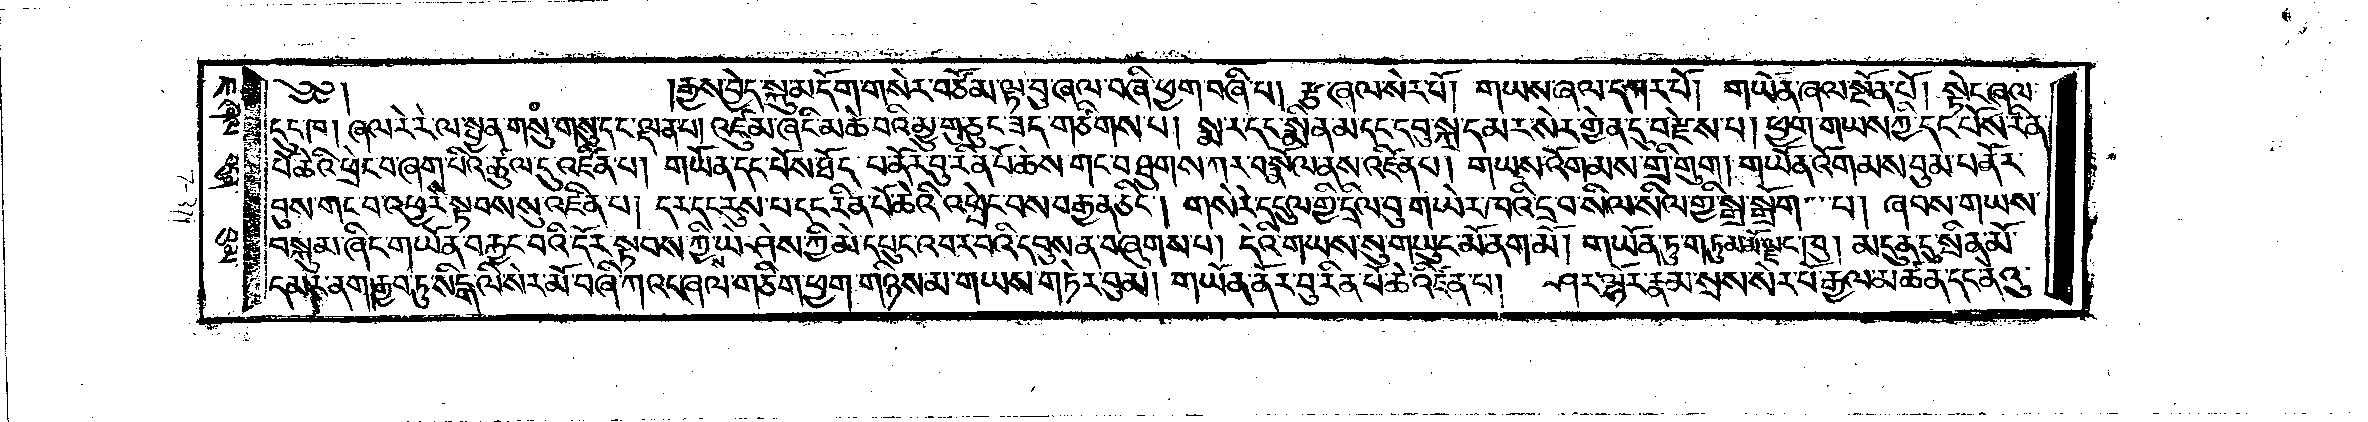༄༅། །རྒྱས་བྱེད་སྐུ་མདོག་གསེར་བཙོམ་ལྟ་བུ་ཞལ་བཞི་ཕྱག་བཞི་པ། རྩ་ཞལ་སེར་པོ། གཡས་ཞལ་དཀར་པོ། གཡོན་ཞལ་སྔོན་པོ། སྟེང་ཞལ་
དུད་ཁ། ཞལ་རེ་རེ་ལ་སྤྱན་གསུཾ་གསུཾ་དང་ལྡན་པ། འཛུམ་ཞིང་མཆེ་བའི་མྱུ་གུ་ཅུང་ཟད་གཙིགས་པ། སྨ་ར་དང་སྨིན་མ་དང་དབུ་སྐྲ་དམར་སེར་གྱེན་དུ་བརྫེས་པ། ཕྱག་གཡས་ཀྱི་དང་པོས་རིན་
པོ་ཆེའི་ཕྲེང་བ་ཞགས་པའི་ཚུལ་དུ་འཛིན་པ། གཡོན་དང་པོས་ཐོད་པ་ནོར་བུ་རིན་པོ་ཆེས་གང་བ་ཐུགས་ཀར་བསྣོལ་ནས་འཛིན་པ། གཡས་འོག་མས་གྲི་གུག །གཡོན་འོག་མས་བུམ་པ་ནོར་
བུས་གང་བ་འཕྱིར་སྟབས་སུ་འཛིན་པ། དར་དང་རུས་བ་དང་རིན་པོ་ཆེའི་འཕྲེང་བས་བརྒྱན་ཅིང་། གསེར་དངུལ་གྱི་དྲིལ་བུ་གཡེར་ཁའི་དྲ་བ་སིལ་སིལ་གྱི་སྒྲ་སྒྲོག་པ། ཞབས་གཡས་
བསྐུམ་ཞིང་གཡོན་བརྐྱང་བའི་དོར་སྟབས་ཀྱིས་ཡེ་ཤེས་ཀྱི་མེ་དཔུང་འབར་བའི་དབུས་ན་བཞུགས་པ། དེའི་གཡས་སུ་གཡུང་མོ་ནག་མོ། གཡོན་ཏུ་གཏུམ་མོ་ལྗལ་དུ། མདུན་དུ་སྲིན་མོ་
དམར་ནག །རྒྱབ་ཏུ་སིངྒ་ལི་སེར་མོ་བཞི་ཀའང་ཞལ་གཅིག་ཕྱག་གཉིས་མ་གཡས་གཏེར་བུམ། གཡོན་ནོར་བུ་རིན་པོ་ཆེ་འཛིན་པ། ཤར་ལྷོར་རྣམ་སྲས་སེར་པོ་རྒྱལ་མཚན་ངང་ནིའུ་